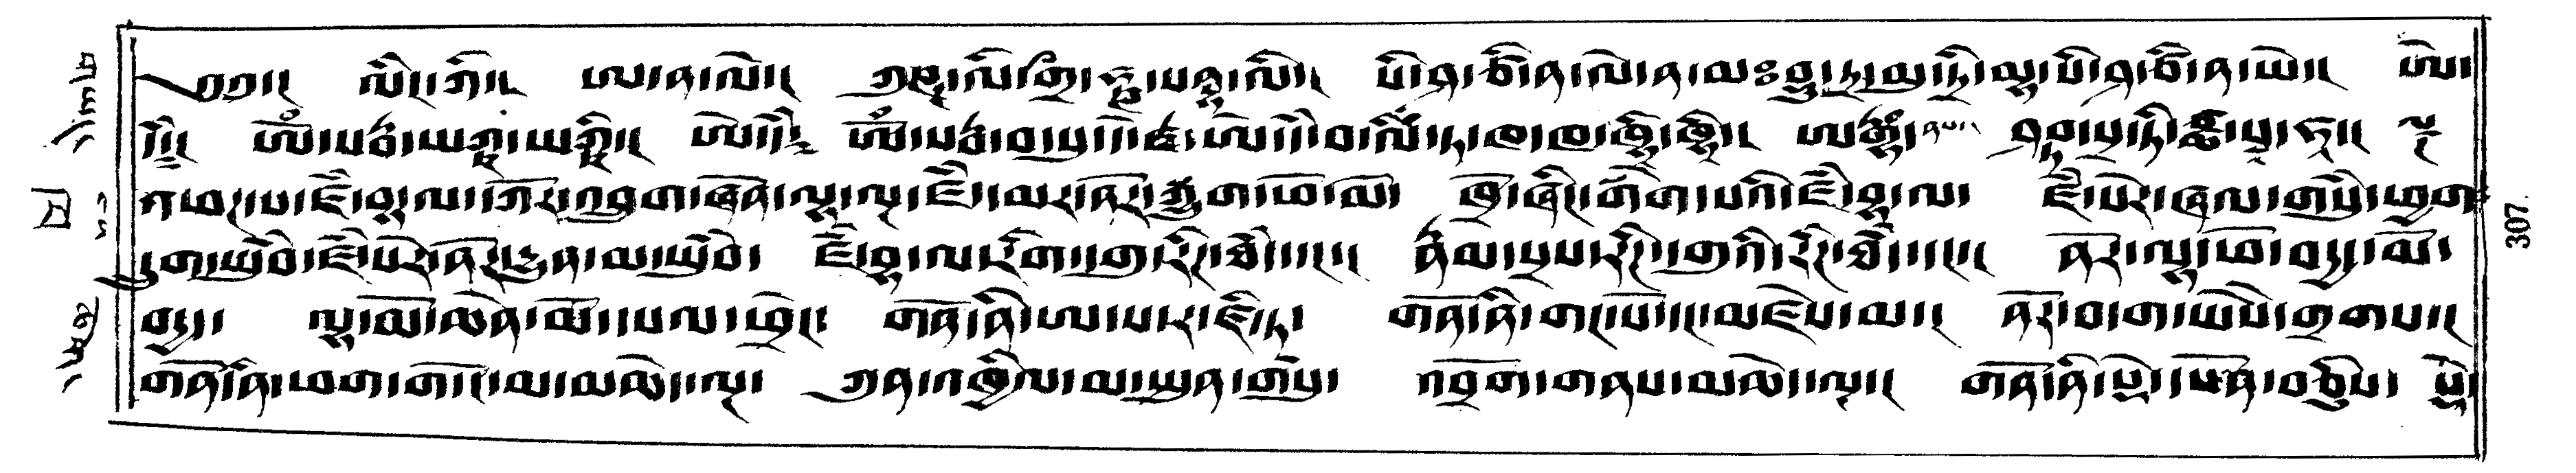ལིང་ཀི། ཨ་ན་ལེ། ཀཎྜ་ལི་གྲྀ་ཧྞ་སནྡྷ་ལི། པི་ཤ་ཙི་ན་ལེ་ན་མཿཤུ་ཏྲ་མུ་ཏྲི་མ་ཧ་པི་ཤ་ཙི་ན་ཡེ། ཨེ་
དམ༴ ཨོཾ་སརྦ་ཡཀྵ་ཡཀྵི། ཨེ་དམ༴ ཨོཾ་སརྦ་བ་སུ་དེ་ཝ་ཨེ་དམ་བ་ལིང་ཏ་ཁ་ཁ་ཁཱ་ཧི་ཁཱ་ཧི། ཨརྒྷཾ་ནས། ཤབྟ་པྲ་ཏི་ཙྪ་སྭ་ཧཱ། ༈ 
འཕགས་པ་ཛམ་བྷ་ལ་དཀར་པོ་འབྲུག་ཞོན་ལྷ། ཛམ་དམར་ནོར་སྐྱུག་ཕོ་མོ། ཁྲོ་ཞིང་སྒེག་པའི་ཛམ་བྷ་ལ། །ཛམ་སེར་ཞལ་གསུམ་ཕྱག་
དྲུག་ཡབ་ཡུམ་ཛམ་སེར་ནོར་རྒྱུན་མ་ཡབ་ཡུམ།ཛམ་བྷ་ལ་རིགས་དགུའི་རིགས་ཐམས་ཅད་དང་། རྣམ་སྲས་རིགས་དགུའི་རིགས་ཐམས་ཅད་དང་། ནོར་ལྷ་ཕོ་བརྒྱད་མོ་
བརྒྱད། ལྷ་མོ་ཆེན་མོ་དཔལ་ཕྲེང་། གནོད་སྦྱིན་ཨ་པ་ར་ཛི་ཏ། གནོད་སྦྱིན་གང་པོ་དང་མཛེས་མ། ནོར་བདག་ཡེ་ཤེས་གྲགས། 
གནོད་སྦྱིན་ཕག་གདོང་མ་མཆེད་ལྔ་། ཀུན་འཁྱིལ་མ་སྤུན་གསུམ། འབྲོག་གནས་མཆེད་ལྔ་། གནོད་སྦྱིན་སྡེ་དཔོན་བཅུ་ཉིས། སྡེ་